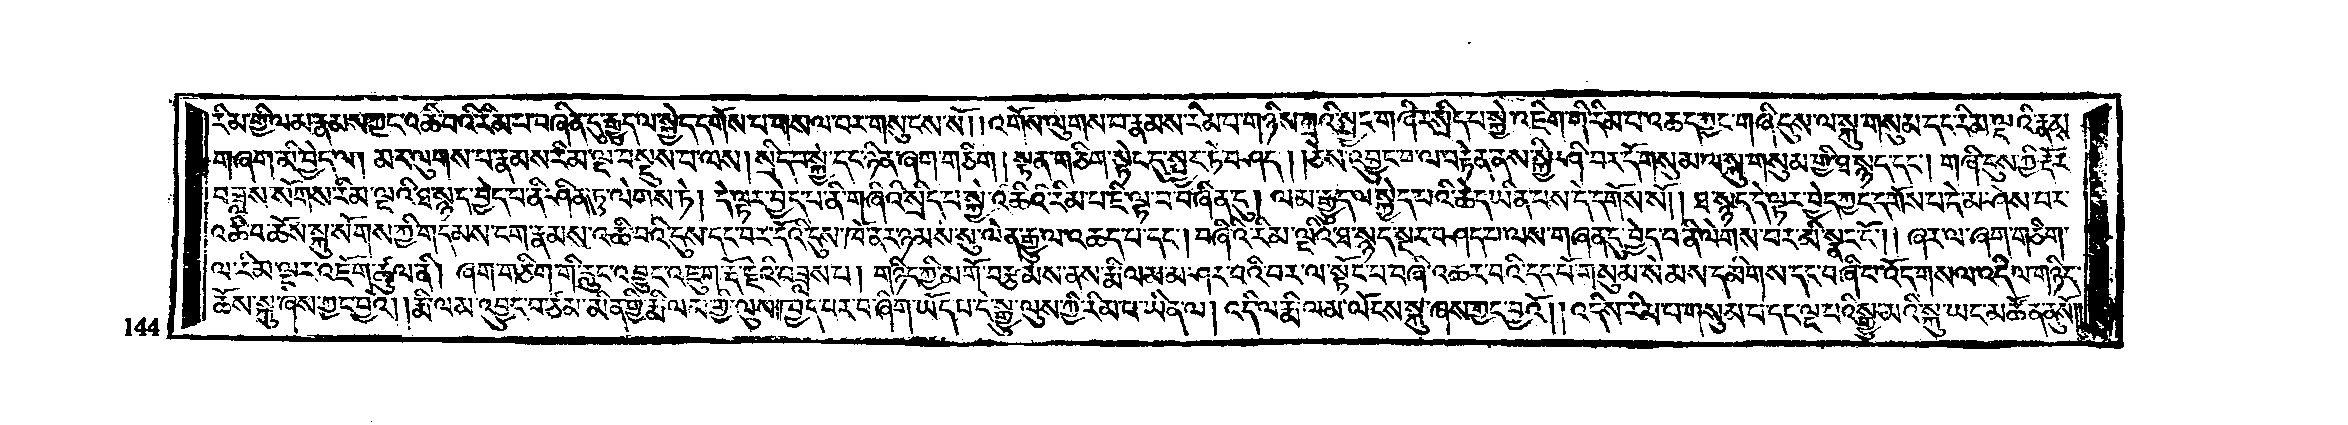རིམ་གྱི་ལམ་རྣམས་ཀྱང་འཆི་བའི་རིམ་པ་བཞིན་དུ་རྒྱུད་ལ་སྐྱེད་དགོས་པ་གསལ་བར་གསུངས་སོ། །འགོས་ལུགས་པ་རྣམས་རིམ་པ་གཉིས་ཀའི་སྦྱང་གཞིར་སྲིད་པ་སྐྱེ་འཇིག་གི་རིམ་པ་འཆད་ཀྱང་གཞི་དུས་ལ་སྐུ་གསུམ་དང་རིམ་ལྔའི་རྣམ་
གཞག་མི་བྱེད་ལ། མར་ལུགས་པ་རྣམས་རིམ་ལྔ་བསྡུས་པ་ལས། སྲིད་པ་སྐྱེ་དང་ཉིན་ཞག་གཅིག། སྟན་གཅིག་སྟེང་དུ་སྦྱར་ཏ་བཤད། །ཅེས་འབྱུང་བ་ལ་བརྟེན་ནས་སྐྱེ་ཤི་བར་དོ་གསུམ་ལ་སྐུ་གསུམ་གྱི་ཐ་སྙད་དང་། གཞི་དུས་ཀྱི་རྡོར་བཟླས་སོགས་རིམ་ལྔའི་ཐ་སྙད་བྱེད་པ་ནི་ཤིན་ཏུ་ལེགས་ཏེ། དེ་ལྟར་བྱེད་པ་ནི་གཞིའི་སྲིད་པ་སྐྱེ་འཆིའི་རིམ་པ་ཇི་ལྟ་བ་བཞིན་དུ། ལམ་རྒྱུད་ལ་སྐྱེད་པའི་ཆེད་ཡིན་པས་དེ་དགོས་སོ། །ཐ་སྙད་དེ་ལྟར་བྱེད་ཀྱང་དགོས་པ་དེ་མ་ཤེས་པར་
འཆི་བ་ཆོས་སྐུ་སོགས་ཀྱི་གདམས་ངག་རྣམས་འཆི་བའི་དུས་དང་བར་དོའི་དུས་ཁོ་ནར་ཉམས་སུ་ལེན་རྒྱུ་ལ་འཆད་པ་དང་། བཞིའི་རིམ་ལྔའི་ཐ་སྙད་སྔར་བཤད་པ་ལས་གཞན་དུ་བྱེད་པ་ནི་ལེགས་པར་མི་སྣང་ངོ། །ཞར་ལ་ཞག་གཅིག་
ལ་རིམ་ལྔར་འཇོག་ཚུལ་ནི། ཞག་གཅིག་གི་རླུང་འབྱུང་འཇུག་རྡོ་རྗེའི་བཟླས་པ། གཉིད་ཀྱི་མགོ་བརྩམས་ནས་རྨི་ལམ་མ་ཤར་བའི་བར་ལ་སྟོང་པ་བཞི་འཆར་བའི་དང་པོ་གསུམ་སེམས་དམིགས་དང་བཞི་པ་འོད་གསལ་འདི་ལ་གཉིད་
ཆོས་སྐུ་ཞེས་ཀྱང་བྱའོ། །རྨི་ལམ་འབྱུང་བ་ཙམ་མིན་གྱི་རྨི་ལམ་གྱི་ལུས་ཁྱད་པར་བ་ཞིག་ཡོད་པ་དེ་སྒྱུ་ལུས་ཀྱི་རིམ་པ་ཡིན་ལ། འདི་ལ་རྨི་ལམ་ལོངས་སྐུ་ཞས་ཀྱང་བྱའོ། །འདིས་རིམ་པ་གསུམ་པ་དང་ལྔ་པའི་སྒྱུ་མའི་སྐུ་ཡང་མཚོན་ནུས་སོ། །